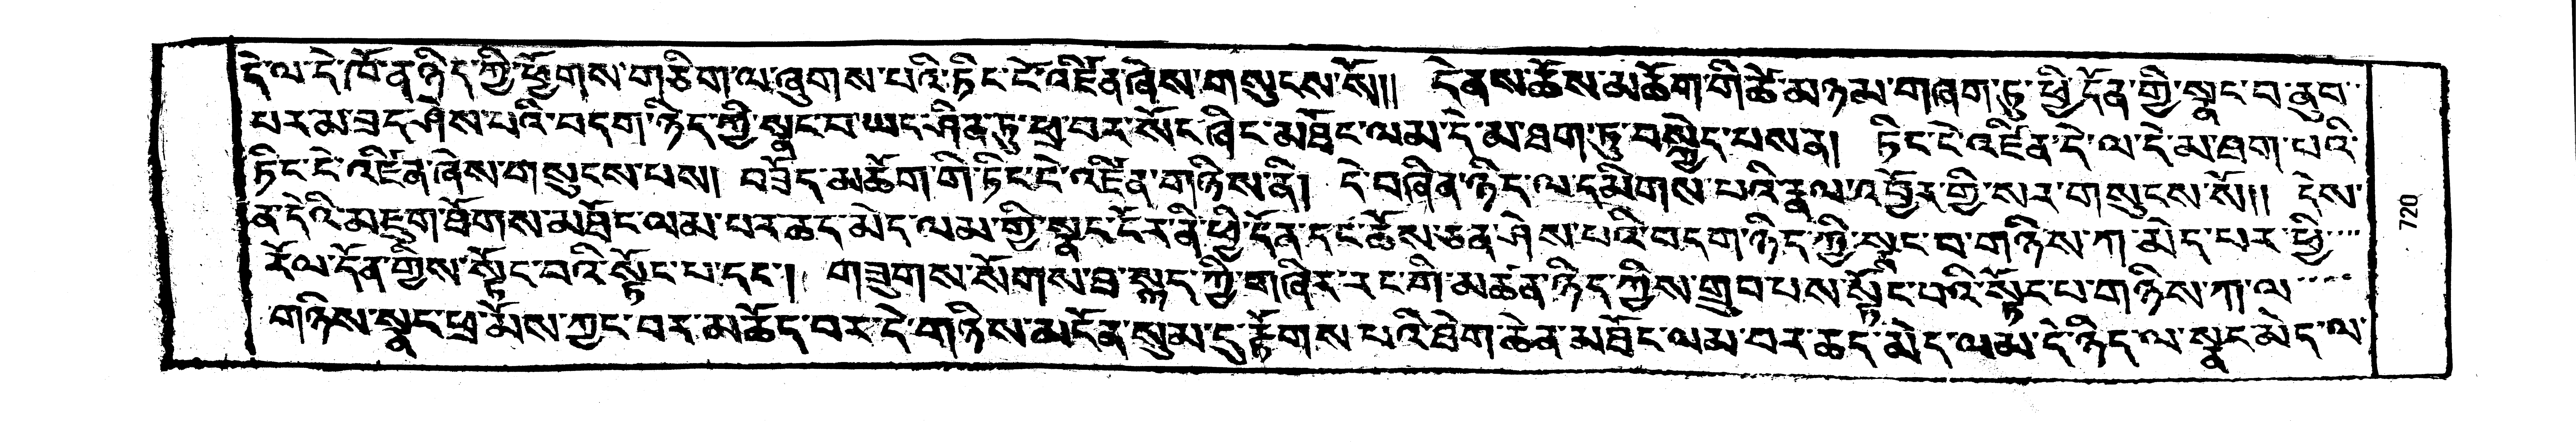དེ་ལ་དེ་ཁོ་ན་ཉིད་ཀྱི་ཕྱོགས་གཅིག་ལ་ཞུགས་པའི་ཏིང་ངོ་འཛིན་ཞེས་གསུངས་སོ། །དེ་ནས་ཆོས་མཆོག་གི་ཚེ་མཉམ་གཞག་ཏུ་ཕྱི་དོན་གྱི་སྣང་བ་ནུབ་
པར་མ་ཟད་ཤེས་པའི་བདག་ཉིད་ཀྱི་སྣང་བ་ཡང་ཤིན་ཏུ་ཕྲ་བར་སོང་ཞིང་མཐོང་ལམ་དེ་མ་ཐག་ཏུ་བསྐྱེད་པས་ན། ཏིང་ངེ་འཛིན་དེ་ལ་དེ་མ་ཐག་པའི་
ཏིང་ངེ་འཛིན་ཞེས་གསུངས་པས། བཟོད་མཆོག་གི་ཏིང་ངེ་འཛིན་གཉིས་ནི། དེ་བཞིན་ཉིད་ལ་དམིགས་པའི་རྣལ་འབྱོར་གྱི་སར་གསུངས་སོ། །དེས་
ན་དེའི་མཇུག་ཐོགས་མཐོང་ལམ་བར་ཆད་མེད་ལམ་གྱི་སྣང་ངོར་ནི་ཕྱི་དོན་དང་ཆོས་ཅན་ཤེས་པའི་བདག་ཉིད་ཀྱི་སྣང་བ་གཉིས་ཀ་མེད་པར་ཕྱི་
རོལ་དོན་གྱིས་སྟོང་བའི་སྟོང་པ་དང་། གཟུགས་སོགས་ཐ་སྙད་ཀྱི་གཞིར་རང་གི་མཚན་ཉིད་ཀྱིས་གྲུབ་པས་སྟོང་པའི་སྟོང་བའི་སྟོང་པ་གཉིས་ཀ་ལ་
གཉིས་སྣང་ཕྲ་མོས་ཀྱང་བར་མཆོད་བར་དེ་གཉིས་མངོན་སུམ་དུ་རྟོགས་པའི་ཐེག་ཆེན་མཐོང་ལམ་བར་ཆད་མེད་ལམ་དེ་ཉིད་ལ་སྣང་མེད་ལ་